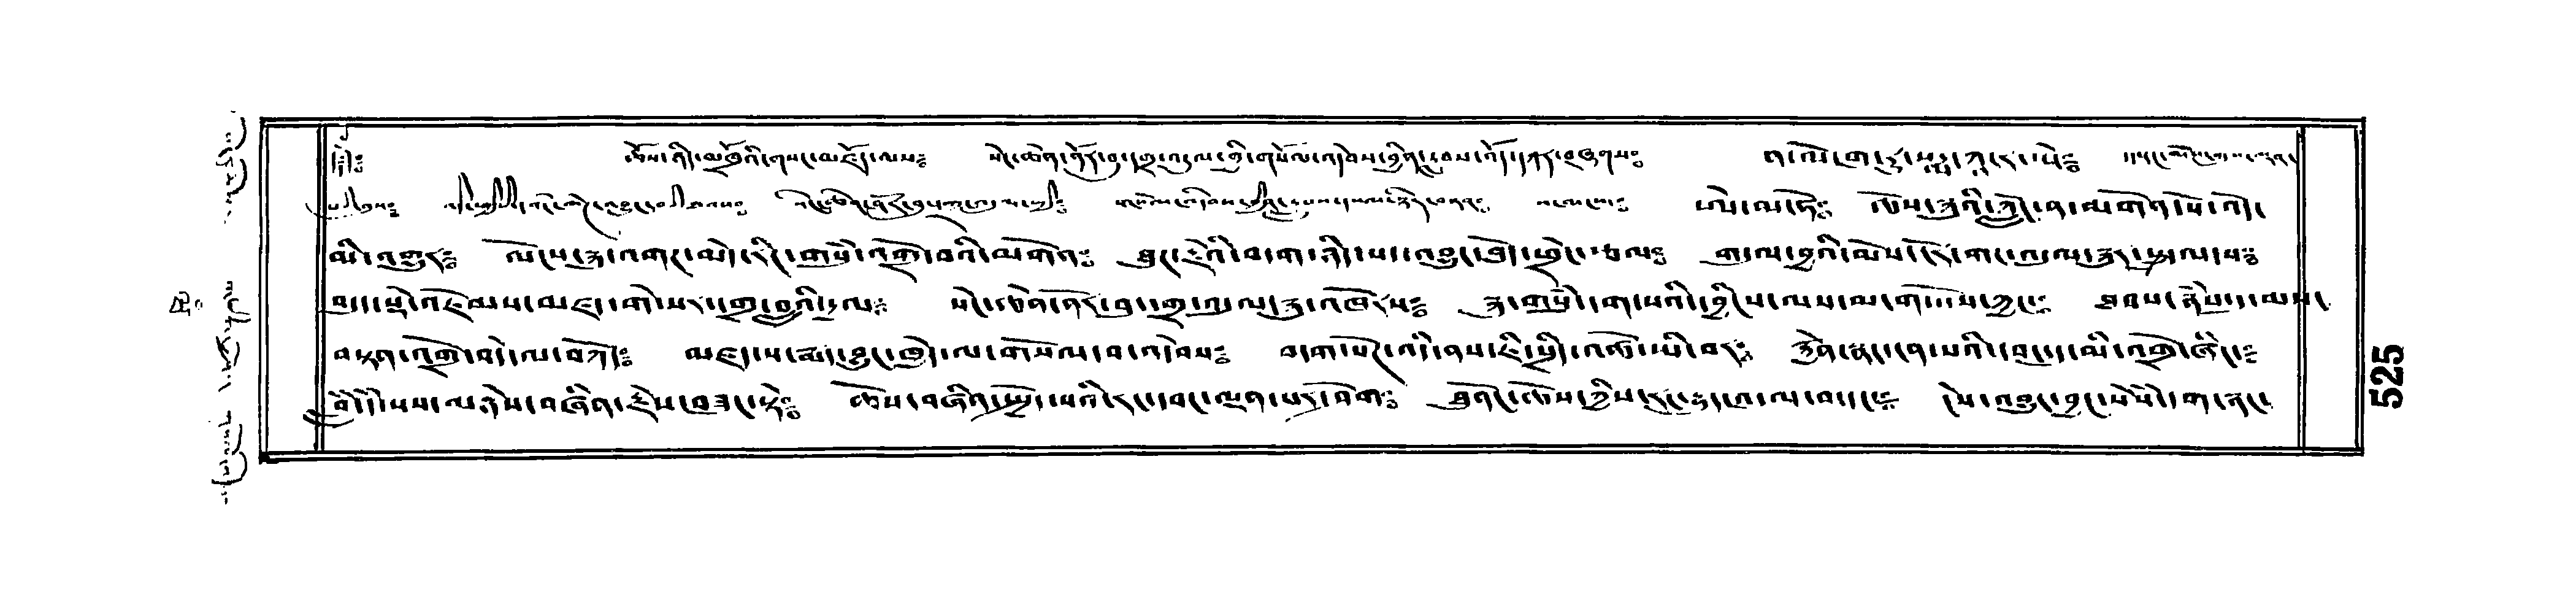ཆོས་ཉིད་མཁའ་འགྲོའི་གསང་མཛོད་ལས༔ སེང་ཆེན་ནོར་བུ་དགྲ་འདུལ་གྱི་གསོལ་འདེབས་བྱིན་རླབས་འོད་དཀར་བཞུགས༔ ན་མོ་གུ་རུ་པདྨ་ཀཱ་ར་ཡེ༔ དད་དང་མོས་གུས་ལྡན་
པའི་བུས༔ འདི་ཕྱིའི་དགེ་ལེགས་འབྱུང་བའི་ཐབས༔ སེང་ཆེན་ནོར་བུ་དགྲ་འདུལ་གྱི༔ གསོལ་འདེབས་བྱིན་རླབས་དཔལ་སྟེར་བསྟན༔ ས་མ་ཡ༔ ཨེ་མ་ཧོཿ ཆོས་སྐུའི་ཀློང་ན་མགོན་པོ་འོད་
མི་འགྱུར༔ ལོངས་སྐུ་འགགས་མེད་རིགས་གསུམ་འགྲོ་བའི་མགོན༔ ཐུགས་རྗེའི་བདག་ཉིད་པད་འབྱུང་ཐོད་ཕྲེང་རྩལ༔ གདུལ་བྱའི་མོས་ངོར་གང་འདུལ་སྐུར་སྤྲུལ་པ༔ 
བདུད་སྡེ་འཇོམས་མཛད་གེ་སར་དགྲ་བླའི་རྒྱལ༔ སེང་ཆེན་ནོར་བུ་དགྲ་འདུལ་སྐུ་འཁོར་བཅས༔ སྐུ་གསུམ་དག་པའི་དབྱིངས་ལས་མ་གཡོས་ཀྱང༔ ཐབས་རྣམས་དུ་མས་
བསྟན་འགྲོ་བདེ་ལ་བཀོད༔ མཛད་པ་རྨད་བྱུང་ཁྱེད་ལ་གསོལ་བ་འདེབས༔ བདག་སོགས་འདི་ནས་ཇི་སྲིད་འཚོ་ཡི་བར༔ རྐྱེན་སྣང་ངན་པའི་དབང་དུ་མི་འགྲོ་ཞིང༔ 
བླ་མ་དམ་པས་མཉེས་བཞིན་རྗེས་བཟུང་སྟེ༔ ཆོས་བཞིན་སྤྱོད་པའི་རང་དབང་ལྡན་པར་ཤོག༔ ཐུན་མོང་ཆོས་ཀྱིས་རང་རྒྱུད་འདུལ་བ་དང༔ ངེས་འབྱུང་བྱང་སེམས་དག་སྣང་